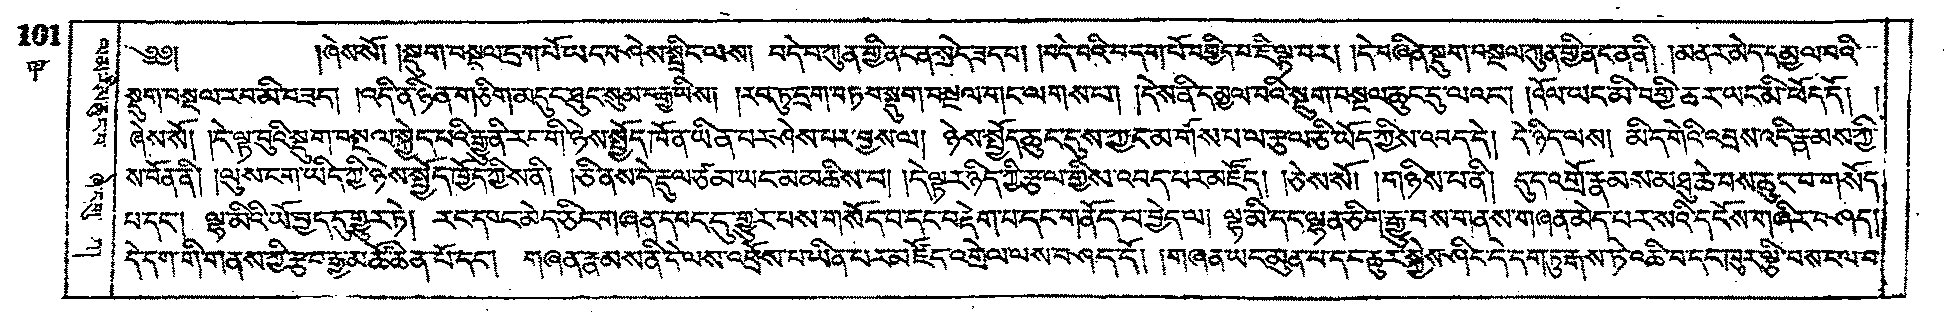༄༅། །ཞེས་སོ། །སྡུག་བསྔལ་དྲག་པོ་ཡང་བཤེས་སྤྲིང་ལས། བདེ་བ་ཀུན་གྱི་ནང་ན་སྲེད་ཟད་པ། །བདེ་བའི་བདག་པོ་བགྱིད་པ་ཇི་ལྟ་བར། །དེ་བཞིན་སྡུག་བསྔལ་ཀུན་གྱི་ནང་ན་ནི། །མནར་མེད་དམྱལ་བའི་
སྡུག་བསྔལ་རབ་མི་བཟད། །འདི་ནི་ཉིན་གཅིག་མདུང་ཐུང་སུམ་བརྒྱ་ཡིས། །རབ་ཏུ་དྲག་བཏབ་སྡུག་བསྔལ་གང་ལགས་པ། །དེས་ནི་དམྱལ་བའི་སྡུག་བསྔལ་ཆུང་དུ་ལའང་། །འོལ་ཡང་མི་བགྱི་ཆར་ཡང་མི་ཕོད་དོ། །
ཞེས་སོ། །དེ་ལྟ་བུའི་སྡུག་བསྔལ་སྐྱེད་པའི་རྒྱུ་ནི་རང་གི་ཉེས་སྤྱོད་ཁོ་ན་ཡིན་པར་ཤེས་པར་བྱས་ལ། ཉེས་སྤྱོད་ཆུང་དུས་ཀྱང་མགོས་པ་ལ་རྩལ་ཅི་ཡོད་ཀྱིས་འབད་དེ། དེ་ཉིད་ལས། མི་དགེའི་འབྲས་འདི་རྣམས་ཀྱི་
ས་བོན་ནི། །ལུས་ངག་ཡིད་ཀྱི་ཉེས་སྤྱོད་ཁྱོད་ཀྱིས་ནི། །ཅི་ནས་དེ་རྡུལ་ཙམ་ཡང་མ་མཆིས་པ། །དེ་ལྟར་ཉིད་ཀྱི་རྩལ་གྱིས་འབད་པར་མཛོད། །ཅེས་སོ། །གཉིས་པ་ནི། དུད་འགྲོ་རྣམས་མཐུ་ཆེ་བས་ཆུང་བ་གསོད་
པ་དང་། ལྷ་མིའི་ཡོ་བྱད་དུ་གྱུར་ཏེ། རང་དབང་མེད་ཅིང་གཞན་དབང་དུ་གྱུར་པས་གསོད་པ་དང་བརྡེག་པ་དང་གནོད་པ་བྱེད་ལ། ལྷ་མི་དང་ལྷན་ཅིག་རྒྱུ་བས་གནས་གཞན་མེད་པར་སའི་དངོས་གཞིར་བཤད།
དེ་དག་གི་གནས་ཀྱི་རྩབ་རྒྱ་མཚོ་ཆེན་པོ་དང་། གཞན་རྣམས་ནི་དེ་ལས་འཕྲོས་པ་ཡིན་པར་མཛོད་འགྲེལ་ལས་བཤད་དོ། །གཞན་ཡང་མུན་པ་དང་ཆུར་སྐྱེས་ཤིང་དེ་དག་ཏུ་རྒས་ཏེ་འཆི་བ་དང་ཁུར་ལྕི་བས་ངལ་བ་